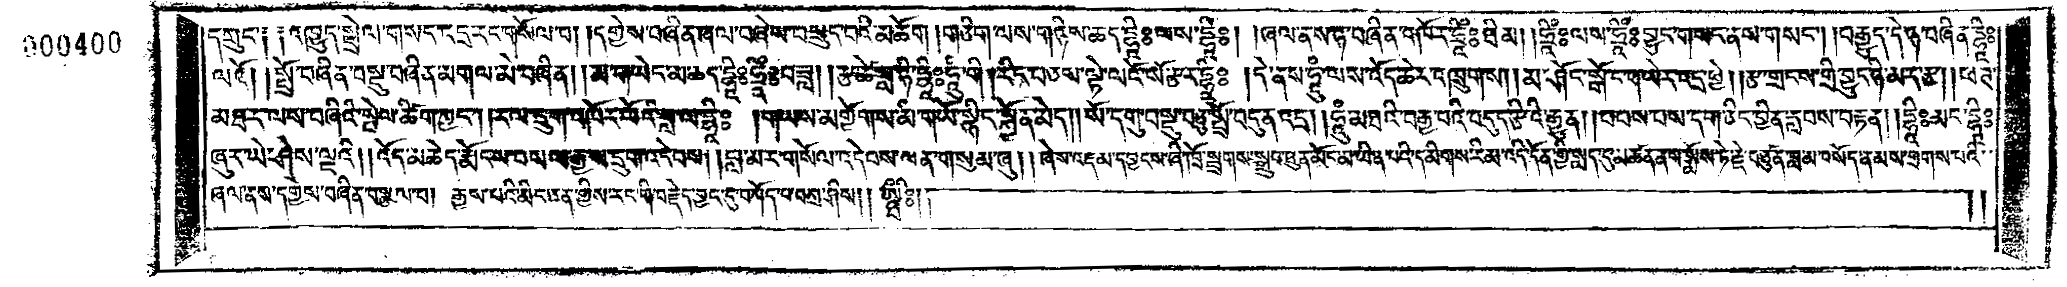དགུང༑ ༑འཁྱུད་སྤྲེལ་གསང་འདྲ་རང་གསོལ་བ། །དགྱེས་བཞིན་ཞལ་བཞེས་བསྲུང་བའི་མཆོག །གཅིག་ལས་གཉིས་ཆད་དྷཱིཿ ལས་དྷཱིཿ། །ཞལ་ནས་ཉ་བཞིན་འཁོར་ཧྲཱིཾཿ ཐིམ། །ཧྲཱིཾཿ ལས་ཧྲཱིཾཿ བྱུང་གསང་ནས་གསང་། །བརྒྱུད་དེ་ཉ་བཞིན་དྷཱིཿ
ལའོ། །སྤྲོ་བཞིན་བསྡུ་བཞིན་མགལ་མེ་བཞིན། །མ་གཡེང་མ་ཆད་དྷཱིཿ ཧྲཱིཾཿ བཟླ། །རྩ་ཚེ་ཟླ་ཉི་དྷཱིཿ ཧཱུཾ་གི །རིང་བཅས་ལྟེ་ལའོ་སོ་རྩར་དྷཱིཿ །དེ་ནས་ཧཱུཾ་ལས་འོད་ཆེར་འཁྲུགས། །མ་ཤོང་སྒོ་ང་གཡེར་འདྲ་ཕྱེ། །རྩ་གྲངས་གྲི་བྱུང་ཉི་མར་རྩ། །ཕཊ་
མཐར་ལས་བཞིའི་སྤེལ་ཚིག་ཀྱང་། །རལ་དྲུག་འཁོར་ལོའི་ཟླ་ལ་དྷཱིཿ །གཡས་མགྱོགས་མི་གཡོ་སྙིང་སྐྱོན་མེད། །སོ་དགུ་བསྡུ་བཅུ་སྤྲོ་བདུན་འདྲ། །ཧཱུཾ་མཐའི་བརྒྱ་པའི་བདུད་རྩིའི་རྒྱུན། །བབས་པས་དག་ཅིང་བྱིན་རླབས་བརྟན། །དྷཱིཿ མང་དྷཱིཿ
ཞུར་ཡེ་ཤེས་ལྔའི། །འོད་མཆེད་རྨོངས་བསལ་རྒྱས་དྲུག་འདེབས། །བླ་མར་གསོལ་འདེབས་ལན་གསུམ་ཞུ། །ཞེས་འཇམ་དབྱངས་ཞི་ཁྲོ་སྦྲགས་སྒྲུབ་ཐུན་མོང་མ་ཡིན་པའི་དམིགས་རིམ་འདི་དོན་གྱི་སླད་དུ་མཚན་ནས་སྨོས་ཏེ་རྗེ་བཙུན་བླ་མ་བསོད་ནམས་གྲགས་པའི་
ཞལ་ནས་དགྱེས་བཞིན་བསྩལ་བ། རྒྱས་པའི་མིང་ཅན་གྱིས་རང་གི་བརྗེད་བྱང་དུ་བཀོད་པ་བཀྲ་ཤིས། །ཨྀཐིཿ།། །།